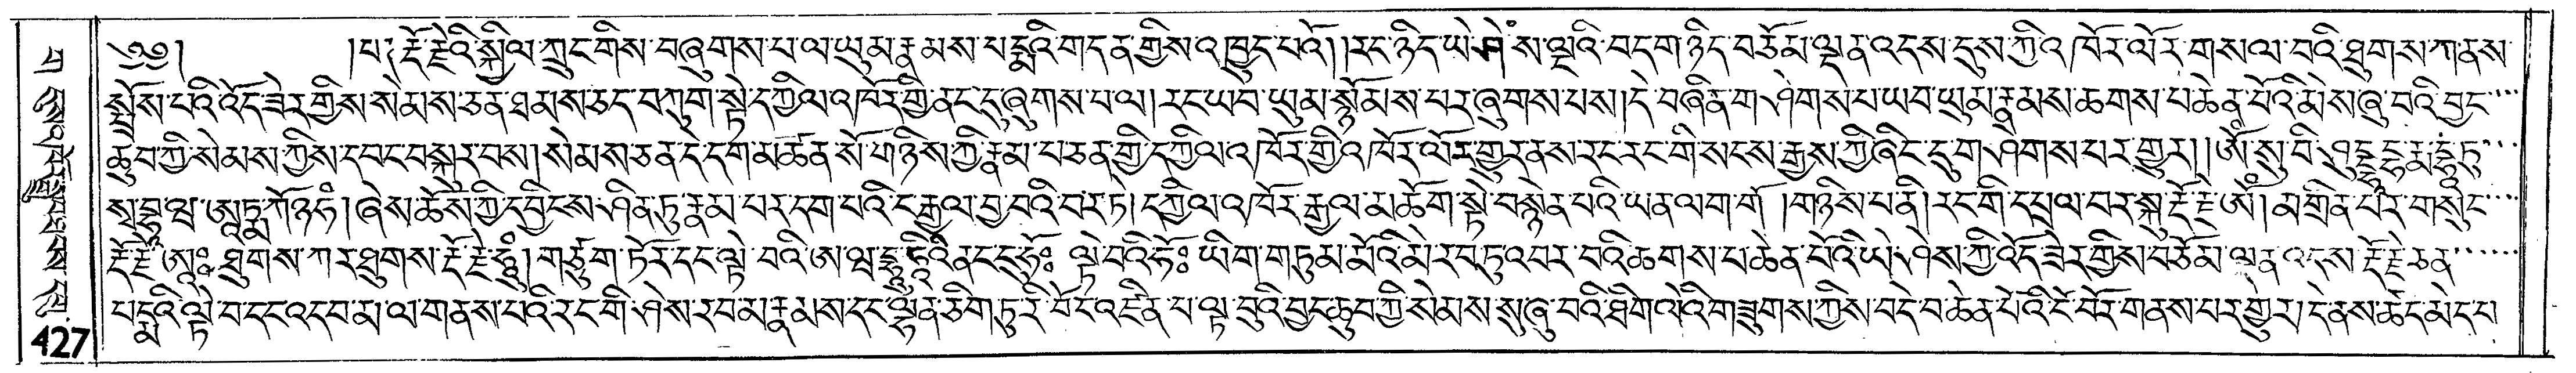༄༅། །པ༑ རྡོ་རྗེའི་སྐྱིལ་ཀྲུང་གིས་བཞུགས་པ་ལ་ཡུམ་རྣམས་པདམའི་གདན་གྱིས་འཁྱུད་པའོ། །རང་ཉིད་ཡེ་ཤེས་ལྔའི་བདག་ཉིད་བཅོམ་ལྡན་འདས་དུས་ཀྱི་འཁོར་ལོར་གསལ་བའི་ཐུགས་ཀ་ནས་
སྤྲོས་པའི་འོད་ཟེར་གྱིས་སེམས་ཅན་ཐམས་ཅད་བཀུག་སྟེ་དཀྱིལ་འཁོར་གྱི་ནང་དུ་ཞུགས་པ་ལ། རང་ཡབ་ཡུམ་སྙོམས་པར་ཞུགས་པས། དེ་བཞིན་གཤེགས་པ་ཡབ་ཡུམ་རྣམས་ཆགས་པ་ཆེན་པོའི་མེས་ཞུ་བའི་བྱང་
ཆུབ་ཀྱི་སེམས་ཀྱིས་དབང་བསྐུར་བས། སེམས་ཅན་དེ་དག་མཚན་སོ་གཉིས་ཀྱི་རྣམ་པ་ཅན་གྱི་དཀྱིལ་འཁོར་གྱི་འཁོར་ལོར་གྱུར་ནས་རང་རང་གི་སངས་རྒྱས་ཀྱི་ཞིང་དུ་གཤེགས་པར་གྱུར། །ཨོཾ་སུ་བི་ཤུདྡྷཱ་དྷ་རྨ་དྷཱ་ཏུ་
སྭ་བྷཱ་ཝ་ཨཱཏྨ་ཀོཉཧཾ། ཞེས་ཆོས་ཀྱི་དབྱིངས་ཤིན་ཏུ་རྣམ་པར་དག་པའི་ང་རྒྱལ་བྱ་བའི་བར་ཏེ། དཀྱིལ་འཁོར་རྒྱལ་མཆོག་སྟེ་བསྙེན་པའི་ཡན་ལག་གོ །གཉིས་པ་ནི། རང་གི་དཔྲལ་བར་སྐུ་རྡོ་རྗེ་ཨོཾ། མགྲིན་པར་གསུང་
རྡོ་རྗེ་ཨཱཿ ཐུགས་ཀར་ཐུགས་རྡོ་རྗེ་ཧཱུཾ། གཙུག་ཏོར་དང་ལྟེ་བའི་ཨ་ཝ་དྷཱུ་ཏཱིའི་ནང་དུ་ཧོཿ ལྟེ་བའི་ཧོཿ ཡིག་གཏུམ་མོའི་མེ་རབ་ཏུ་འབར་བའི་ཆགས་པ་ཆེན་པོའི་ཡེ་ཤེས་ཀྱི་འོད་ཟེར་གྱིས་བཅོམ་ལྡན་འདས་རྡོ་རྗེ་ཅན་
པདམའི་ལྟེ་བ་དང་འདབ་མ་ལ་གནས་པའི་རང་གི་ཤེས་རབ་མ་རྣམས་དང་ལྷན་ཅིག་ཏུ་རི་བོང་འཛིན་པ་ལྟ་བུའི་བྱང་ཆུབ་ཀྱི་སེམས་སུ་ཞུ་བའི་ཐིག་ལེའི་གཟུགས་ཀྱིས་བདེ་བ་ཆེན་པོའི་ངོ་བོར་གནས་པར་གྱུར། དེ་ནས་ཚད་མེད་པ་